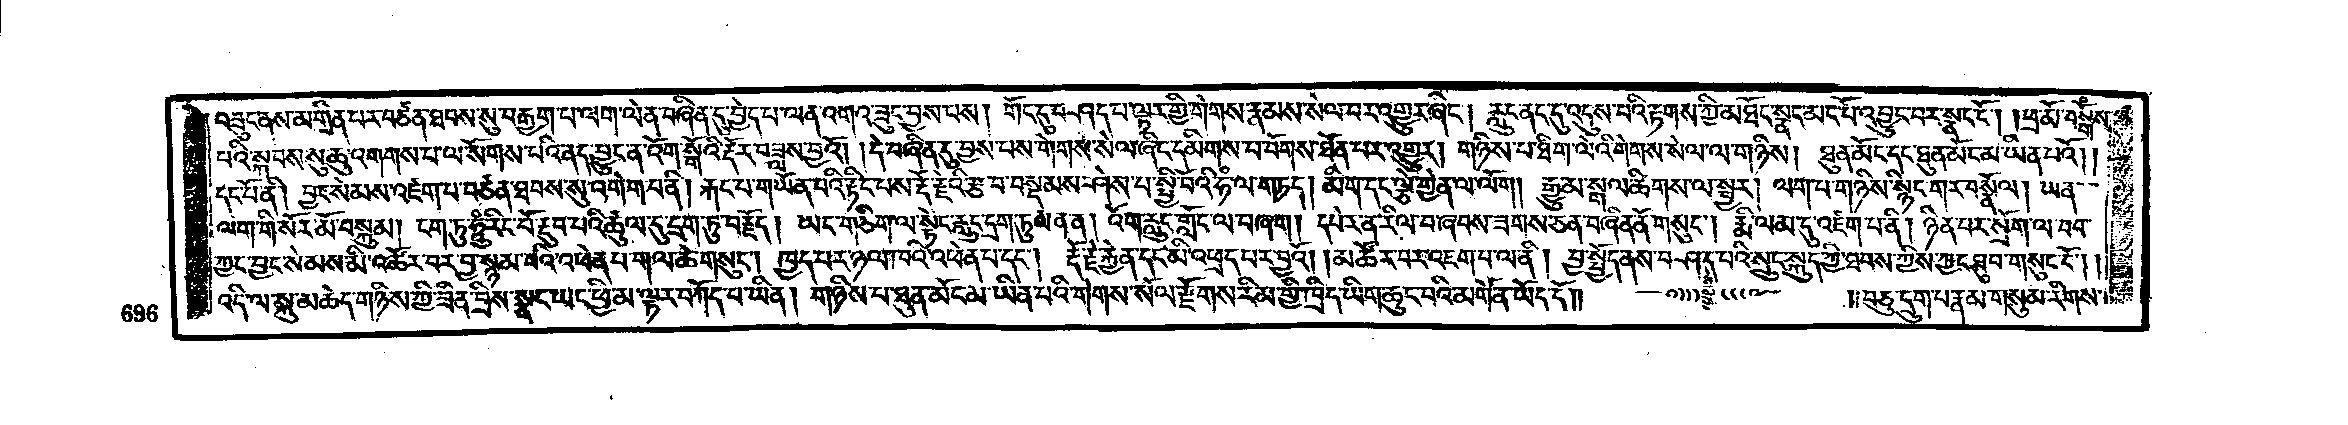བཟུང་ནས་མགྲིན་པར་བཙན་ཐབས་སུ་བརྒྱག་པ་ལག་ལེན་བཞིན་དུ་བྱེད་པ་ལན་འགའ་ཟུང་བྱས་པས། གོང་དུ་བཤད་པ་ལྟར་གྱི་གེགས་རྣམས་སེལ་བར་འགྱུར་ཞིང་། རླུང་ནང་དུ་འདུས་པའི་རྟགས་ཀྱི་མཐོང་སྣང་མང་པོ་འབྱུང་བར་སྣང་ངོ། །ཕྲ་མོ་བསྒོམས་
པའི་སྐབས་སུ་ཆུ་འགགས་པ་ལ་སོགས་པའི་ནད་བྱུང་ན་འོག་སྒོའི་རྡོར་བཟླས་བྱའོ། །དེ་བཞིན་དུ་བྱས་པས་གེགས་སེལ་ཞིང་དམིགས་པ་བོགས་ཐོན་པར་འགྱུར། གཉིས་པ་ཐིག་ལེའི་གེགས་སེལ་ལ་གཉིས། ཐུན་མོང་དང་ཐུན་མོང་མ་ཡིན་པའོ།།
དང་པོ་ནི། བྱང་སེམས་འཛག་པ་བཙན་ཐབས་སུ་འགེག་པ་ནི། རྐང་པ་གཡོན་པའི་རྟིང་པས་རྡོ་རྗེའི་རྩ་བ་བསྡམས་ཤེས་པ་སྤྱི་བོའི་ཧཾ་ལ་གཏད། མིག་དང་ལྕེ་གྱེན་ལ་ལོག །རྒྱུ་མ་སྒལ་ཚིགས་ལ་སྦྱར། ལག་པ་གཉིས་སྙིང་གར་བསྣོལ། ཡན་
ལག་གི་སོར་མོ་བསྐུམ། ངག་ཏུ་ཧཱུཾ་རིང་པོ་རྡུབ་པའི་ཚུལ་དུ་དྲག་ཏུ་བརྗོད། ཡང་གཅིག་ལ་སྟོང་རླུང་དྲག་ཏུ་མནན། འོག་རླུང་གློང་ལ་བཞག །དཔེར་ན་རིལ་བ་ཞབས་ཟགས་ཅན་བཞིན་ནོ་གསུང་། རྨི་ལམ་དུ་འཛག་པ་ནི། ཉིན་པར་སྲོག་ལ་བབ་
ཀྱང་བྱང་སེམས་མི་འཚོར་བར་བྱ་སྙམ་པའི་འཕེན་པ་གལ་ཆེ་གསུང་། ཁྱད་པར་ཉལ་ཁའི་འཕེན་པ་དང་། རྡོ་རྗེ་རྐྱེན་དང་མི་འཕྲད་པར་བྱའོ། །མ་ཚོར་བར་འཇག་པ་ལ་ནི། བྱ་སྤྱོད་ནས་བཤད་པའི་སྲུང་སྐུད་ཀྱི་ཐབས་ཀྱིས་ཀྱང་ཐུབ་གསུང་ངོ།།
འདི་ལ་སྐུ་མཆེད་གཉིས་ཀྱི་ཟིན་བྲིས་སྣང་ཡང་ཕྱི་མ་ལྟར་བཀོད་པ་ཡིན། གཉིས་པ་ཐུན་མོང་མ་ཡིན་པའི་གེགས་སེལ་རྫོགས་རིམ་གྱི་ཁྲིད་ཡིག་ཆུང་བའི་མགོ་ན་ཡོད་དོ།། ༈ །།བཅུ་དྲུག་པ་རྣམ་གསུམ་རིགས་